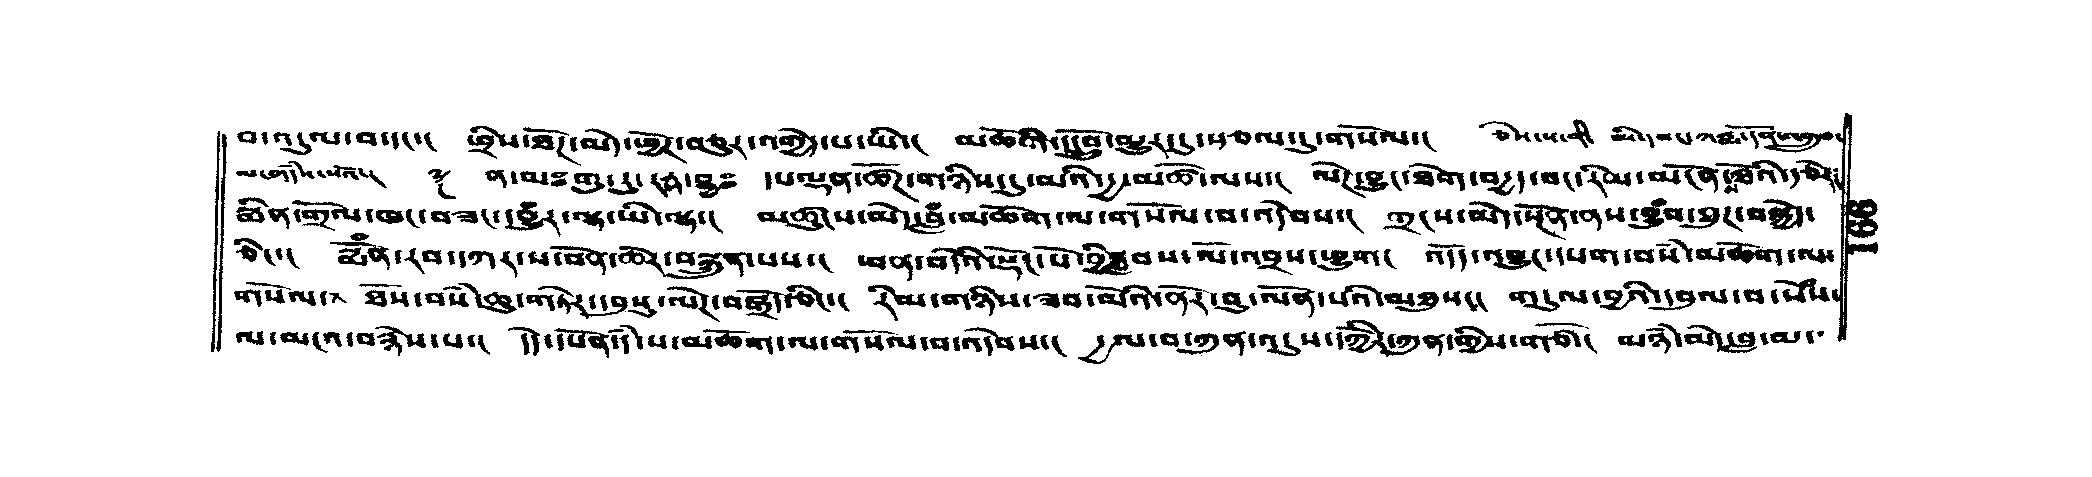བ་འདུལ་བ་དང་། །ཕྲིན་ལས་ཐོགས་མེད་ཕྱོགས་བཅུར་འགྱེད་པ་ཡི། །མཆོག་གི་དངོས་གྲུབ་མྱུར་དུ་བསྩལ་དུ་གསོལ། ཅེས་པ་ནི་མི་དབང་ཀརྨ་དོན་འགྲུབ་
ལ་གདམས་པའོ།། ༈ ན་མཿགུ་རུ་རཏྣ་བྷྱཿ དཔལ་ལྡན་ཚོགས་གཉིས་དུ་མའི་རྒྱ་མཚོ་ལས། །ལེགས་བྱུང་ཐེག་བརྒྱད་བང་རིམ་མངོན་མཐོའི་རྩེར། །
སྨིན་གྲོལ་ཁང་བཟང་དབང་འསྒྱུར་ལྷ་ཡི་ལྷ། །མཚུངས་མེད་བླ་མ་མཆོག་ལ་གསོལ་བ་འདེབས། །གྲངས་མེད་སྔོན་ནས་བྱང་ཆུབ་ཐུགས་བསྐྱེད་
ཅིང་། །སྨོན་ལམ་རབ་དཀར་ས་བོན་ཆེར་བསྐྲུན་པས། །ཕན་བདེའི་སྡོང་པོ་བྱིན་རླབས་ལོ་འབྲས་ཕྱུག །འདོད་འབྱུང་དཔག་བསམ་མཆོག་ལ་
གསོལ༴ །ཐོས་བསམ་ཆུ་གཏེར་དབུས་སུ་ལེགས་བསྒྲོད་ཅིང་། །རིམ་གཉིས་ཟབ་མོའི་ནོར་བུ་ལེན་པའི་མཐུས། །གདུལ་བྱའི་དབུལ་བ་སེམས་
ལ་མངའ་བརྙེས་པ། །དེད་དཔོན་དམ་པ་མཆོག་ལ་གསོལ་བ་འདེབས། །རྒྱལ་བ་ཀུན་འདུས་དཀྱིལ་འཁོར་ཀུན་གྱིས་གཙོ། །མཉམ་མེད་བླ་མ་